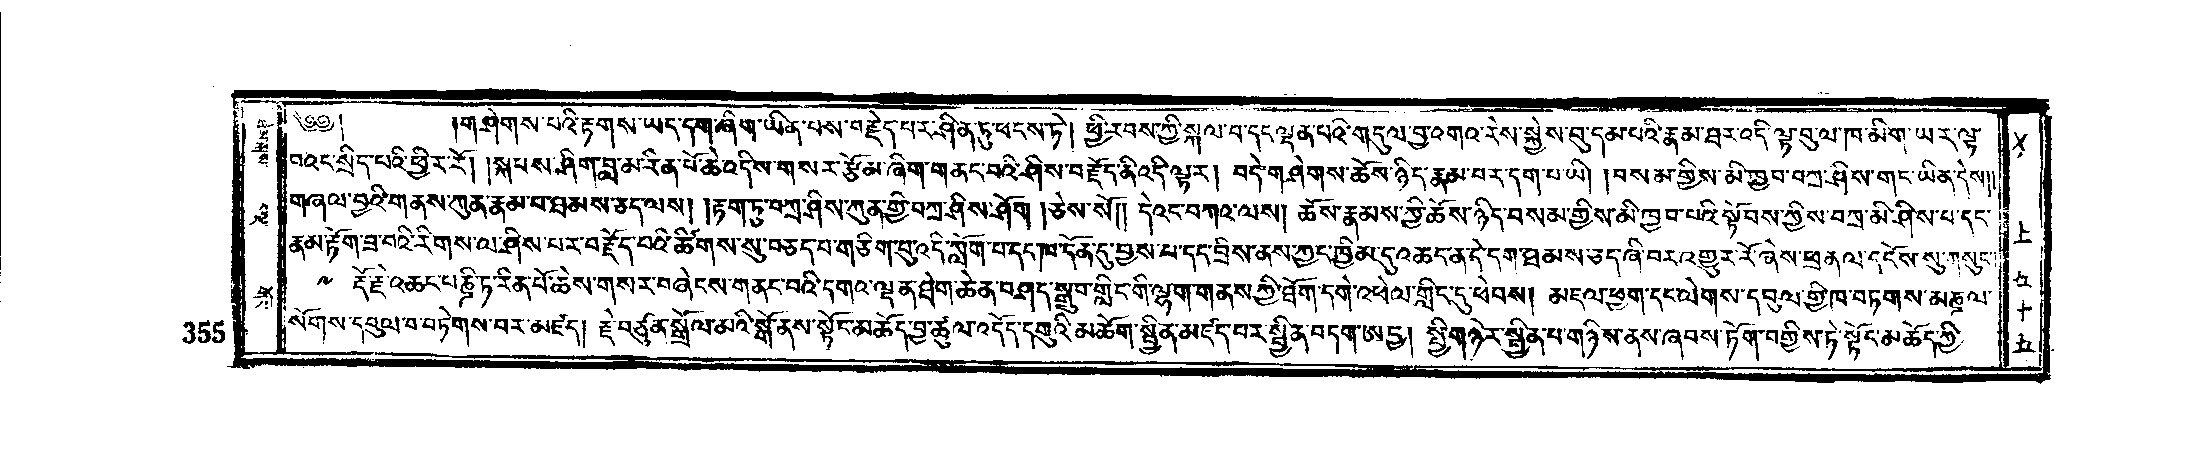༄༅། །གཤེགས་པའི་རྟགས་ཡང་དག་ཞིག་ཡིན་པས་བརྗེད་པར་ཤིན་ཏུ་ཕངས་ཏེ། ཕྱི་རབས་ཀྱི་སྐལ་བ་དང་ལྡན་པའི་གདུལ་བྱ་འགའ་རེས་སྐྱེས་བུ་དམ་པའི་རྣམ་ཐར་འདི་ལྟ་བུ་ལ་ཁ་མིག་ཡར་ལྟ་
བའང་སྲིད་པའི་ཕྱིར་རོ། །སྐབས་ཤིག་བླ་མ་རིན་པོ་ཆེ་འདིས་གསར་རྩོམ་ཞིག་གནང་བའི་ཤིས་བརྗོད་ནི་འདི་ལྟར། བདེ་གཤེགས་ཆོས་ཉིད་རྣམ་པར་དག་པ་ཡི། །བསམ་གྱིས་མི་ཁྱབ་བཀྲ་ཤིས་གང་ཡིན་དེས།།
གཞལ་བྱའི་གནས་ཀུན་རྣམ་པ་ཐམས་ཅད་ལས། །རྟག་ཏུ་བཀྲ་ཤིས་ཀུན་གྱི་བཀྲ་ཤིས་ཤོག །ཅེས་སོ།། དེའང་བཀའ་ལས། ཆོས་རྣམས་ཀྱི་ཆོས་ཉིད་བསམ་གྱིས་མི་ཁྱབ་པའི་སྟོབས་ཀྱིས་བཀྲ་མི་ཤིས་པ་དང་
རྣམ་རྟོག་ཟ་བའི་རིགས་ལ་ཤིས་པར་བརྗོད་པའི་ཚིགས་སུ་བཅད་པ་གཅིག་པུ་འདི་ཀློག་པ་དང་ཁ་དོན་དུ་བྱས་པ་དང་བྲིས་ནས་ཀྱང་ཁྱིམ་དུ་འཆང་ན་དེ་དག་ཐམས་ཅད་ཞི་བར་འགྱུར་རོ་ཞེས་ཕྲན་ལ་དངོས་སུ་གསུང་
༧་རྡོ་རྗེ་འཆང་པཎྜི་ཏ་རིན་པོ་ཆེས་གསར་བཞེངས་གནང་བའི་དགའ་ལྡན་ཐེག་ཆེན་བཤད་སྒྲུབ་གླིང་གི་ལྷག་གནས་ཀྱི་ཐོག་དགེ་འཕེལ་གླིང་དུ་ཕེབས། མཇལ་ཕྱག་དང་ལེགས་དབུལ་གྱི་ཁ་བཏགས་མཎྜལ་
སོགས་དབུལ་བ་བཏེགས་པར་མཛད། རྗེ་བཙུན་སྒྲོལ་མའི་སྒོ་ནས་སྟོང་མཆོད་བྱ་ཚུལ་འདོད་དགུའི་མཆོག་སྦྱིན་མཛད་པར་སྦྱིན་བདག་ཨདྱ། སྤྱི་གཉེར་སྦྱིན་པ་གཉིས་ནས་ཞབས་ཏོག་བགྱིས་ཏེ་སྟོང་མཆོད་ཀྱི་